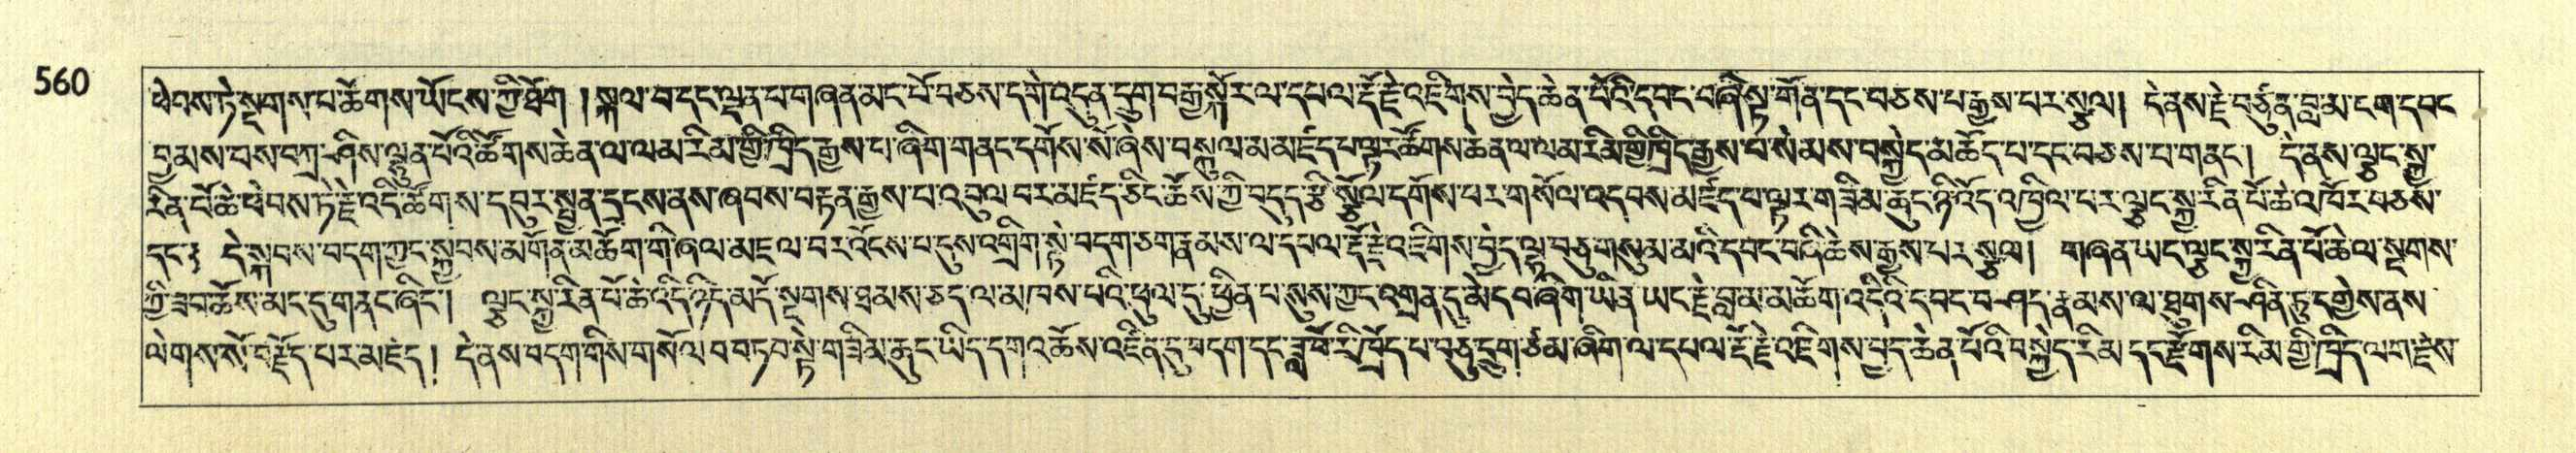ཕེབས་ཏེ་སྔགས་པ་ཚོགས་ཡོངས་ཀྱི་ཐོག །སྐལ་བ་དང་ལྡན་པ་གཞན་མང་པོ་བཅས་དགེ་འདུན་དྲུག་བརྒྱ་སྐོར་ལ་དཔལ་རྡོ་རྗེ་འཇིགས་བྱེད་ཆེན་པོའི་དབང་བཞི་སྟ་གོན་དང་བཅས་པ་རྒྱས་པར་སྩལ། དེ་ནས་རྗེ་བཙུན་བླ་མ་ངག་དབང་
བྱམས་པས་བཀྲ་ཤིས་ལྷུན་པོའི་ཚོགས་ཆེན་ལ་ལམ་རིམ་གྱི་ཁྲིད་རྒྱས་པ་ཞིག་གནང་དགོས་སོ་ཞེས་བསྐུལ་མ་མཛད་པ་ལྟར་ཚོགས་ཆེན་ལ་ལམ་རིམ་གྱི་ཁྲིད་རྒྱས་པ་སེམས་བསྐྱེད་མཆོད་པ་དང་བཅས་པ་གནང་། དེ་ནས་ལྕང་སྐྱ་
རིན་པོ་ཆེ་ཕེབས་ཏེ་རྗེ་འདི་ཚོགས་དབུར་སྤྱན་དྲངས་ནས་ཞབས་བརྟན་རྒྱས་པ་འབུལ་བར་མཛད་ཅིང་ཆོས་ཀྱི་བདུད་རྩི་སྩོལ་དགོས་པར་གསོལ་འདབས་མཛད་པ་ལྟར་གཟིམ་ཆུང་ཉི་འོད་འཁྱིལ་པར་ལྕང་སྐྱ་རིན་པོ་ཆེ་འཁྲོ་བཅས་
དང༑ དེ་སྐབས་བདག་ཀྱང་སྐྱབས་མགོན་མཆོག་གི་ཞལ་མཇལ་བར་འོངས་པ་དུས་འགྲིག་སྟེ་བདག་ཅག་རྣམས་ལ་དཔལ་རྡོ་རྗེ་འཇིགས་བྱེད་ལྷ་བཅུ་གསུམ་མའི་དབང་བཞི་ཆེས་རྒྱས་པར་སྩལ། གཞན་ཡང་ལྕང་སྐྱ་རིན་པོ་ཆེ་ལ་སྔགས་
ཀྱི་ཟབ་ཆོས་མང་དུ་གནང་ཞིང་། ལྕང་སྐྱ་རིན་པོ་ཆེ་འདི་ཉིད་མདོ་སྔགས་ཐམས་ཅད་ལ་མཁས་པའི་ཕུལ་དུ་ཕྱིན་པ་སུས་ཀྱང་འགྲན་དུ་མེད་བ་ཞིག་ཡིན་ཡང་རྗེ་བླ་མ་མཆོག་འདིའི་དབང་བཤད་རྣམས་ལ་ཐུགས་ཤིན་ཏུ་དགྱེས་ནས་
ལེགས་སོ་བརྗོད་པར་མཛད། དེ་ནས་བདག་གིས་གསོལ་བ་བཏབ་སྟེ་གཟིམ་ཆུང་ཡིད་དགའ་ཆོས་འཛིན་དུ་བདག་དང་ཟླ་བོ་རི་ཁྲོད་པ་བཅུ་དྲུག་ཙམ་ཞིག་ལ་དཔལ་རྡོ་རྗེ་འཇིགས་བྱེད་ཆེན་པོའི་བསྐྱེད་རིམ་དང་རྫོགས་རིམ་གྱི་ཁྲིད་ལག་རྗེས་